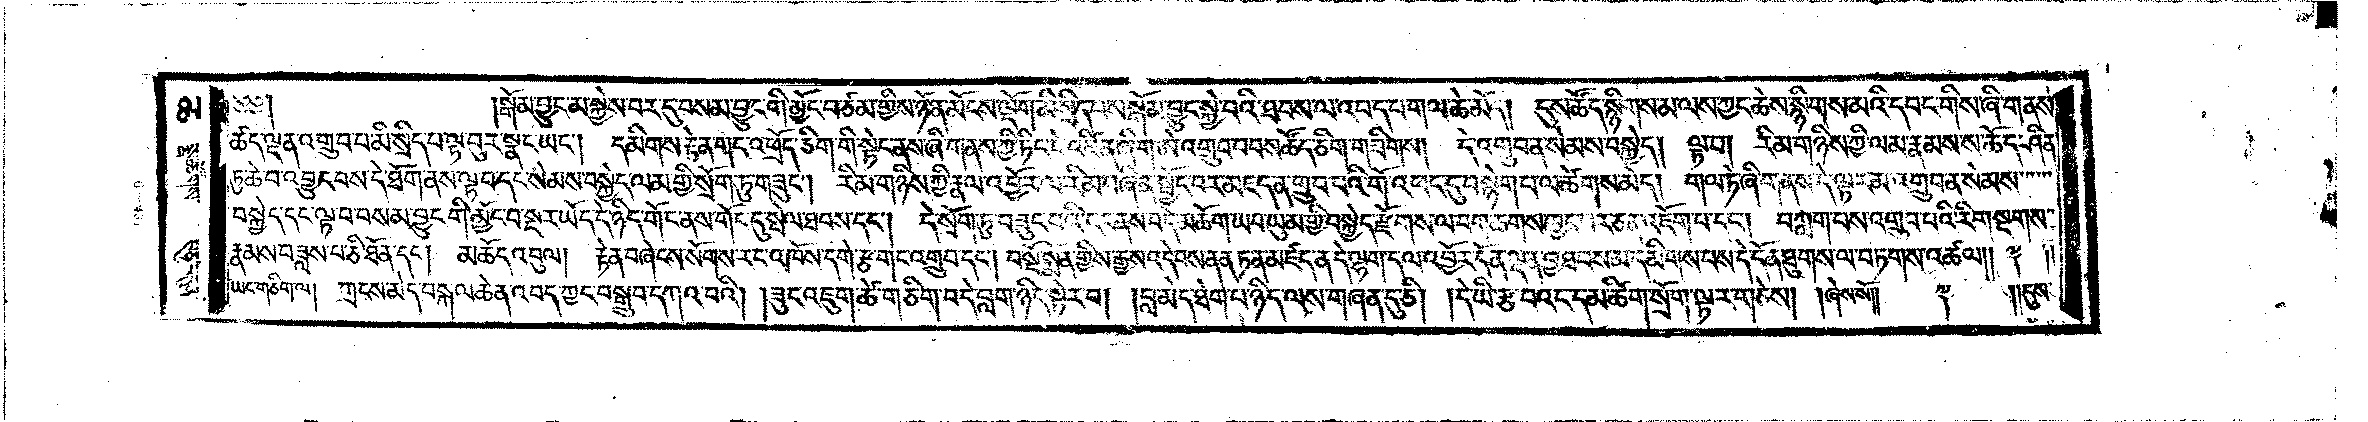༄༅། །སྒོམ་བྱུང་མ་སྐྱེས་བར་དུ་བསམ་བྱུང་གི་མྱོང་བ་ཙམ་གྱིས་ཉོན་མོངས་ལྡོག་མི་སྲིད་པས་སྒོམ་བྱུང་སྐྱེ་བའི་ཐབས་ལ་འབད་པ་གལ་ཆེ་མོད། དུས་ཚོད་སྙིགས་མ་ལས་ཀྱང་ཆེས་སྙིགས་མའི་དབང་གིས་ཞི་གནས་
ཚད་ལྡན་འགྲུབ་པ་མི་སྲིད་པ་ལྟ་བུར་སྣང་ཡང་། དམིགས་རྟེན་གང་འཕྲོད་ཅིག་གི་སྟེང་ནས་ཞི་གནས་ཀྱི་ཏིང་ངེ་འཛིན་ཞིག་ཨེ་འགྲུབ་བབས་ཚོད་ཅིག་གཟིགས། དེ་འགྲུབ་ན་སེམས་བསྐྱེད། ལྟ་བ། རིམ་གཉིས་ཀྱི་ལམ་རྣམས་ས་ཆོད་ཤིན་
ཏུ་ཆེ་བ་འབྱུང་བས་དེ་ཐོག་ནས་ལྟ་བ་དང་སེམས་བསྐྱེད་ལམ་གྱི་སྲོག་ཏུ་གཟུང་། རིམ་གཉིས་ཀྱི་རྣལ་འབྱོར་ལ་རིམ་བཞིན་སྦྱོང་བར་མཛད་ན་གྲུབ་པའི་འགོ་འཕང་དུ་བསྙེག་པ་ལ་ཚེགས་མེད། གལ་ཏེ་ཞི་གནས་དེ་ལྟར་མ་འགྲུབ་ན་སེམས་
བསྐྱེད་དང་ལྟ་བ་བསམ་བྱུང་གི་མྱོང་བ་སྔར་ཡོད་དེ་ཉིད་གོང་ནས་གོང་དུ་སྤེལ་ཐབས་དང་། དེ་སྲོག་ཏུ་བཟུང་བའི་དང་ནས་བདེ་མཆོག་ཡབ་ཡུམ་གྱི་བསྐྱེད་རྫོགས་ལ་བག་ཆགས་ཁྱད་པར་ཅན་འཇོག་པ་དང་། བཀླག་པས་འགྲུབ་པའི་རིག་སྔགས་
རྣམས་བཟླས་པ་ཅི་ཐོན་དང་། མཆོད་འབུལ། རྟེན་བཞེངས་སོགས་རང་འཁོས་དགེ་རྩ་གང་འགྲུབ་དང་། བསྔོ་སྨོན་གྱིས་རྒྱས་འདེབས་ནན་ཏན་མཛད་ན་དེ་ལྷག་དལ་འབྱོར་དོན་ལྡན་བྱ་ཐབས་མ་དམིགས་པས་དེ་དོན་ཐུགས་ལ་བཏགས་འཚལ།། ༈ །།
ཡང་གཅིག་ལ།  གྲངས་མེད་བསྐལ་ཆེན་འབད་ཀྱང་བསྒྲུབ་དཀའ་བའི། །ཟུང་འཇུག་ཚེ་གཅིག་བདེ་བླག་ཉིད་སྟེར་བ། །བླ་མེད་ཐེག་པ་ཉིད་ལས་གཞན་དུ་ཅི། །དེ་ཡི་རྩ་བའང་དམ་ཚིག་སྲོག་ལྟར་གཅེས། །ཞེས་སོ།། ༈ །།དུས